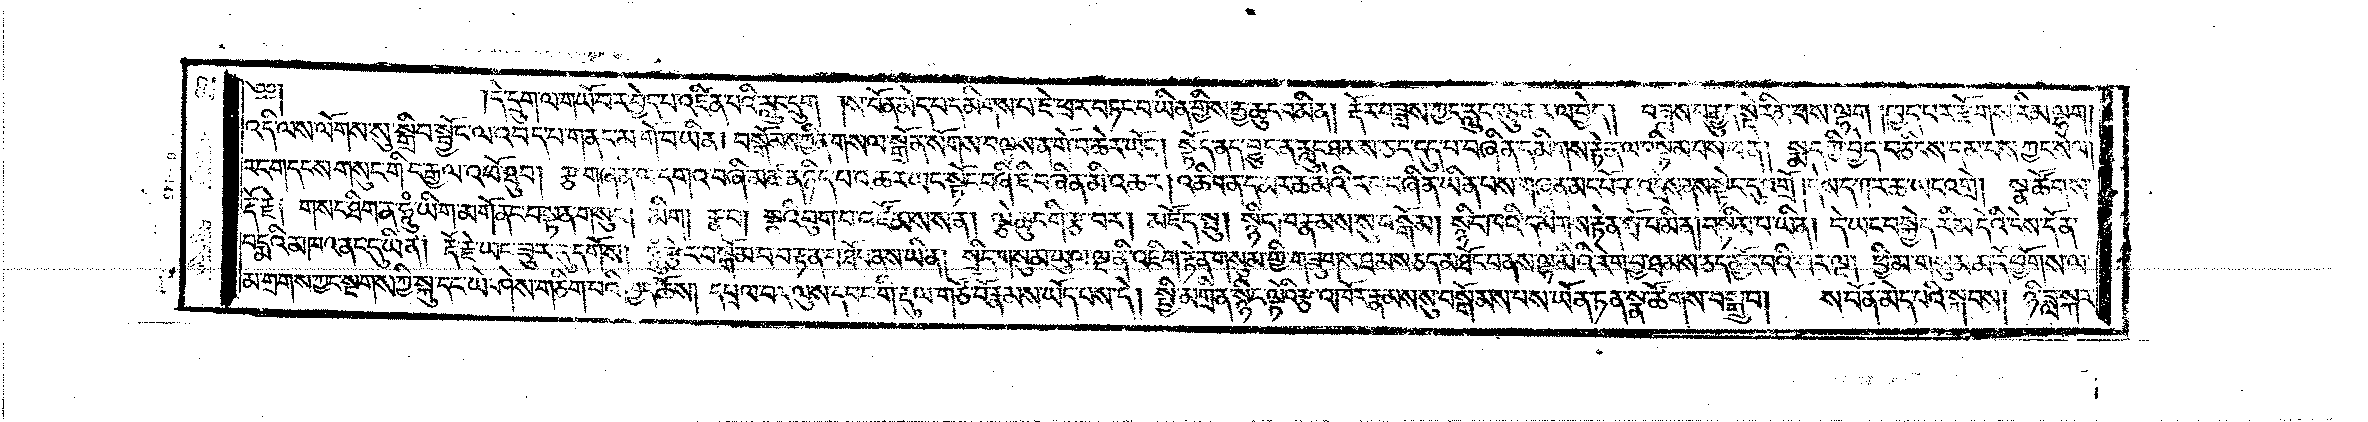༄༅། །དེ་དྲུག་ལ་གཡོ་བར་བྱེད་པ་འཛིན་པའི་རླུང་དྲུག །ས་བོན་མེད་པ་དམིགས་པ་ཇེ་ཕྲར་བཏང་བ་ཡིན་གྱིས་རྒྱ་ཆུང་བ་མིན། རྡོར་བཟླས་ཀྱང་རླུང་བཅུ་ཆར་ལ་བྱེད། བཟླས་པ་རྒྱུད་སྡེ་རིམ་པས་ལྷག །ཁྱད་པར་རྫོགས་རིམ་ལྷག།
འདི་ལས་ལོགས་སུ་སྒྲིབ་སྦྱོང་ལ་འབད་པ་གནད་མ་གོ་བ་ཡིན། བསྒོམས་ཀྱིན་གསལ་སྒྲོན་སོགས་བལྟས་ན་གོ་བ་ཆེར་ཡོང་། སྟོད་ནད་བྱུང་ན་རླུང་ཐམས་ཅད་དུད་པ་བཞིན་དམིགས་རྟེན་ལ་བསྟིམ་པས་ཕན། སྨད་ཀྱི་བྱེད་བཅིངས་དམ་པས་ཀྱང་སེལ།
རང་གདངས་གསུང་གི་ང་རྒྱལ་འཕོ་ཐུབ། རྩ་གཞན་ལ་དགའ་བཞི་མཚན་ཉིད་པ་འཆར་ཡང་སྟོང་བཞི་ཇི་བཞིན་མི་འཆར། འཆིབ་ན་དམར་ཆ་མེའི་རང་བཞིན་ཡིན་པས་གཞན་མང་པོ་དང་འདྲེས་ནས་སྟེང་དུ་འགྲོ། དེས་དཀར་ཆ་ཡང་འགྲེ། སྣ་ཚོགས་
རྡོ་རྗེ༑ གསང་ཐིག་ན་ཧཱུཾ་ཡིག་མགོ་ནང་བསྟན་གསུང་། མིག། རྣ་བ། སྣའི་བུག་པ་འཛོམས་ན། ལྕེ་ཆུང་གི་རྩ་བར། མཛོད་སྤུ། སྙིང་ཁ་རྣམས་སུ་བསྒོམ། སྙིང་ཁའི་དམིགས་རྟེན་སྤོ་བ་མིན། བསྟིམ་པ་ཡིན། དེ་ཡང་བསྐྱེད་རིམ་དེའི་ངེས་དོན་
པདམའི་མཁའ་ནང་དུ་ཡིན། རྡོ་རྗེ་ཡང་ཟུར་དུ་དགོས། ཧཱུཾ་རྩེར་བསྒོམ་པ་བརྟན་པ་ཐོབ་ནས་ཡིན། སྲིད་གསུམ་ཡུལ་ལྔ་ནི་འཇིག་རྟེན་གསུམ་གྱི་གཟུགས་ཐམས་ཅད་མཐོང་བ་ནས་ལྷ་མིའི་རེག་བྱ་ཐམས་ཅད་མྱོང་བའི་བར་ལྔ། ཕྱི་མ་གསུམ་མདོ་ཕྱོགས་ལ་
མ་གྲགས་ཀྱང་སྔགས་ཀྱི་སྐུ་དང་ཡེ་ཤེས་གཅིག་པའི་ཁྱད་ཆོས། དཔྲལ་བར་ལུས་དབང་གི་རྡུལ་གཙོ་བོ་རྣམས་ཡོད་པས་དེ། སྤྱི་མགྲིན་སྙིང་ལྟེའི་རྩ་འཁོར་རྣམས་སུ་བསྒོམས་པས་ཡོན་ཏན་སྣ་ཚོགས་བསྒྲུབ། ས་བོན་མེད་པའི་སྐབས། ཉི་ཟླ་སྐར་